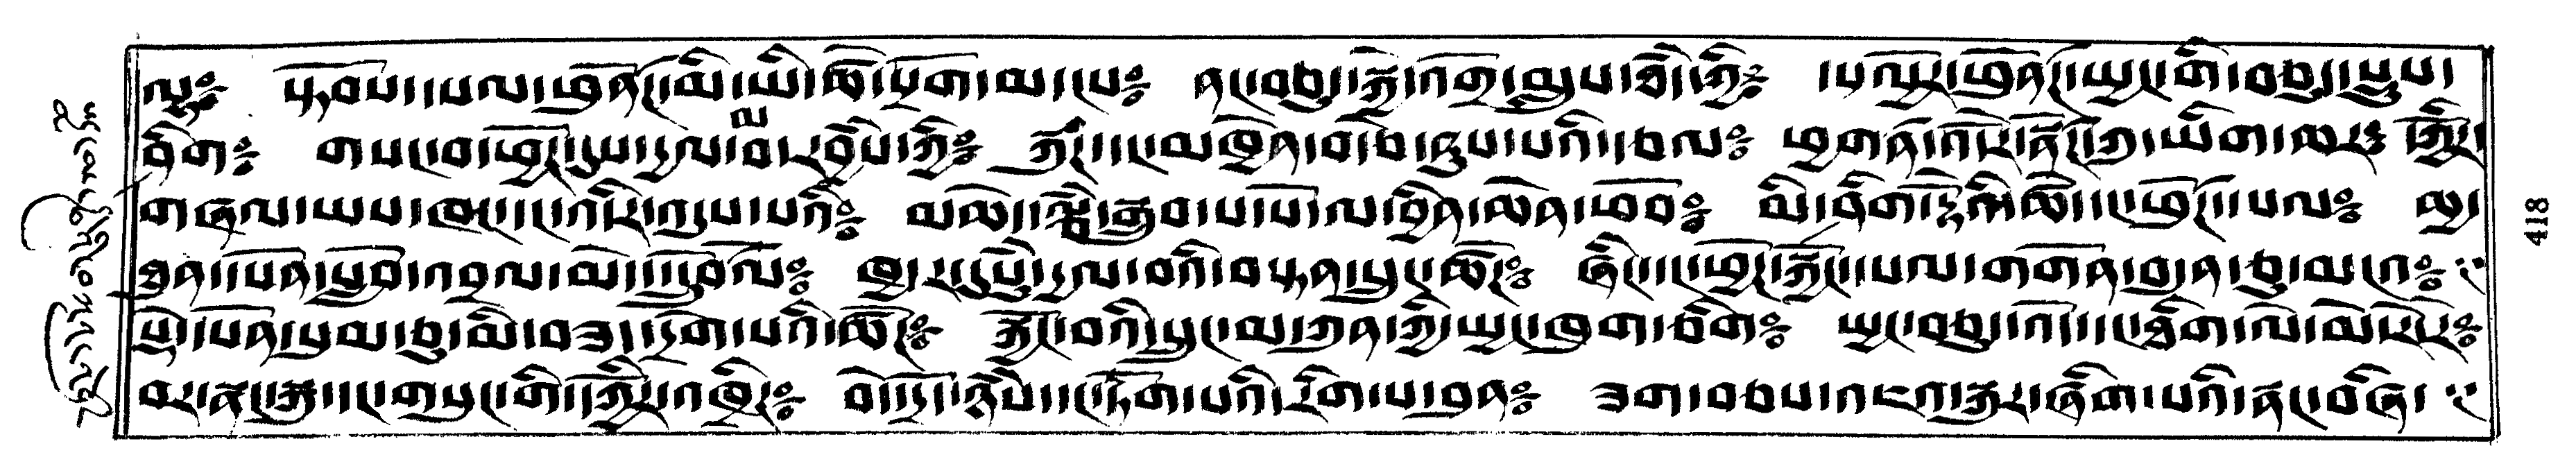ལྷ༔ སྟོབས་དཔལ་ཕུན་ཚོགས་མི་ཡི་ཚེ་སྲོག་མདངས༔ ནང་བཅུད་སྐྱེ་འགྲོ་མ་ལུས་ཐམས་ཅད་ཀྱི༔ དཔལ་འབྱོར་ཕུན་ཚོགས་གཡངགི་བཅུད་སྡུས་
ཤིག༔ གསང་བ་ཕྱོགས་དུས་རྒྱལ་བ་རབ་འབྱམས་ཀྱི༔ སྐུ་གསུང་ཐུགས་དང་མཁྱེན་བརྩེ་ནུས་པའི་རྩལ༔ ཕྱག་མཚན་འོད་ཟེར་སྣ་ཚོགས་སྐུ་ཡིག་འཆར༔ དཀྱིལ་འཁོར་
གཞལ་ཡས་ཁང་དང་འདིར་འདུས་པའི༔ མཆེད་ལྕམ་སྒྲུབ་པ་པོ་ལ་བྱིན་ཆེན་ཕོབ༔ མི་ཤིགས་རྡོ་རྗེའི་ཚེ་དང་ཕུན་ཚོགས་དཔལ༔ མཆོག་
ཐུན་དཔོན་སློབ་འབྲལ་མེད་དངོས་གྲུབ་སྩོལ༔ ཁྱད་པར་དུས་གསུམ་རྒྱལ་བའི་བསྟན་སྲུང་ཚོགས༔ཞིང་དང་ཕྱོགས་སྐྱོང་དཔལ་མགོན་བདུན་ཅུ་ལྔ༔ 
སྡེ་དཔོན་སུམ་ཅུ་མི་བཟད་དྲེགས་པའི་ཚོགས༔ སྐྱོང་བའི་སྲུང་མ་ཀུན་གྱི་གཡང་ཁུག་ཅིག༔ གཡང་བཅུད་འོད་དང་ཐིག་ལེ་མེ་རེ་རེ༔ 
བར་སྣང་སྐུ་དང་གསུང་གི་དཀྱིལ་འཁོར་འཁྲིགས༔ བདེ་དྲོད་ཉམས་དང་རྟོགས་པའི་རིག་པ་བུན༔ ཟག་བཅས་འཇའ་སྐུར་ཞིག་པའི་སྣང་བཞི་